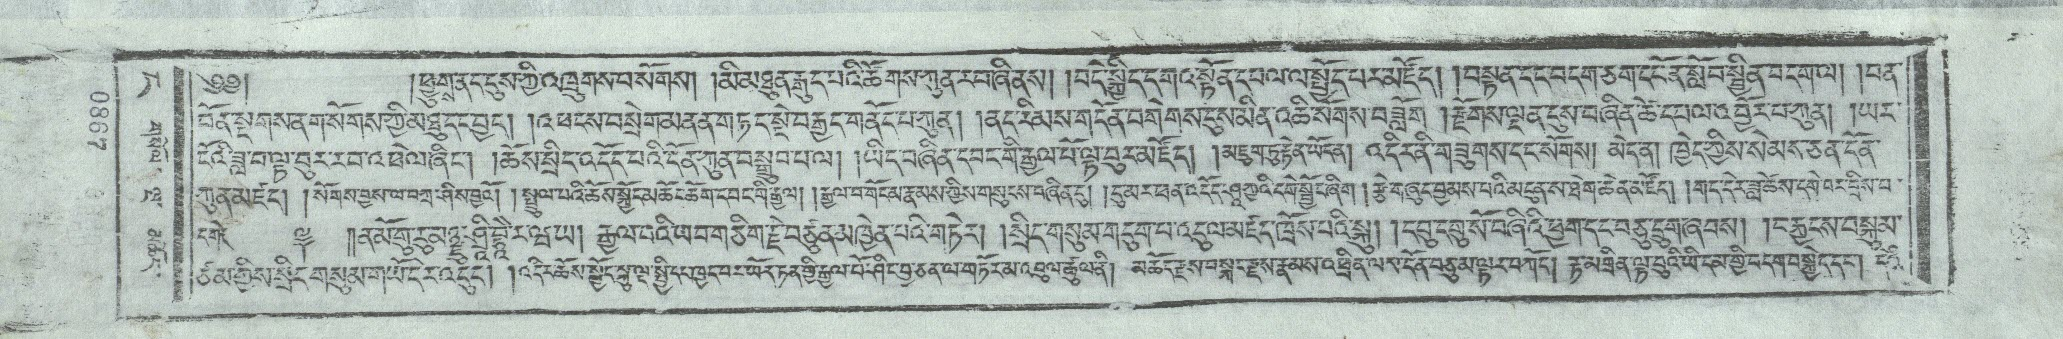༄༅། །ཕྱུགས་ནད་དུས་ཀྱི་འཁྲུགས་པ་སོགས། །མི་མཐུན་རྒུད་པའི་ཚོགས་ཀུན་རབ་ཞི་ནས། །བདེ་སྐྱིད་དགའ་སྟོན་དཔལ་ལ་སྤྱོད་པར་མཛོད། །བསྟན་དང་བདག་ཅག་དཔོན་སློབ་སྦྱིན་བདག་ལ། །བན་
བོན་སྔགས་ནག་སོགས་ཀྱི་མཐུ་དང་བྱད། །འཕངས་བསྲེག་མནན་གཏང་སྡེ་བརྒྱད་གནོད་པ་ཀུན། །ནད་རིམས་གདོན་བགེགས་དུས་མིན་འཆི་སོགས་བཟློག །རྫོགས་ལྡན་དུས་བཞིན་ཚེ་དཔལ་འབྱོར་པ་ཀུན། །ཡར་
ངོའི་ཟླ་བ་ལྟ་བུར་རབ་འཕེལ་ཞིང་། །ཆོས་སྲིང་འདོད་པའི་དོན་ཀུན་བསྒྲུབ་པ་ལ། །ཡིད་བཞིན་དབང་གི་རྒྱལ་པོ་ལྟ་བུར་མཛོད། །མཇུག་ཏུ་རྟེན་ཡོད་ན། འདིར་ནི་གཟུགས་དང་སོགས། མེད་ན། ཁྱེད་ཀྱིས་སེམས་ཅན་དོན་
ཀུན་མཛད། །སོགས་བྱས་ལ་བཀྲ་ཤིས་བྱའོ། །སྤྲུལ་པའི་ཆོས་སྐྱོང་མཆོད་ཆོག་དབང་གི་རྒྱལ། །རྒྱལ་བ་གོང་མ་རྣམས་གྱིས་གསུངས་བཞིན་དུ། །དུ་མར་ཕན་འདོད་ཤཱཀྱའི་དགེ་སྦྱོར་ཞིག །རྩེ་གཞུང་བྱམས་པའི་མདུན་ས་ཐེག་ཆེན་མཛོད། །གད་དེར་ཟླ་ཚེས་དགེ་བར་བྲིས་པ་
དགེ༑ ༈ །།ན་མོ་གུ་རུ་མ་ཉྫུཿ ཤྲཱི་བཏEཨེ་ར་ཝ་ཡ། རྒྱལ་བའི་ཡབ་གཅིག་རྗེ་བཙུན་མཁྱེན་པའི་གཏེར། །སྲིད་གསུམ་གདུག་པ་འདུལ་མཛད་ཁྲོས་པའི་སྐུ། །དབུ་དགུ་སོ་བཞིའི་ཕྱག་དང་བཅུ་དྲུག་ཞབས། །བརྐྱངས་བསྐུམ་
ཙམ་གྱིས་སྲིད་གསུམ་གཡོ་དེར་འདུད། །འདིར་ཆོས་སྐྱོང་སྐུ་ལྔ་སྤྱི་དང་ཁྱད་པར་ཡོད་ཏན་གྱི་རྒྱལ་པོ་ཤིང་བྱ་ཅན་ལ་གཏོར་མ་འབུལ་ཚུལ་ནི། མཆོད་རྫས་བསྐང་རྫས་རྣམས་འཕྲིན་ལས་དོན་བཅུ་མ་ལྟར་བཀོད། རྟ་མགྲིན་ལྟ་བུའི་ཡི་དམ་གྱི་བདག་པ་སྐྱེད་དང་། དེའི་